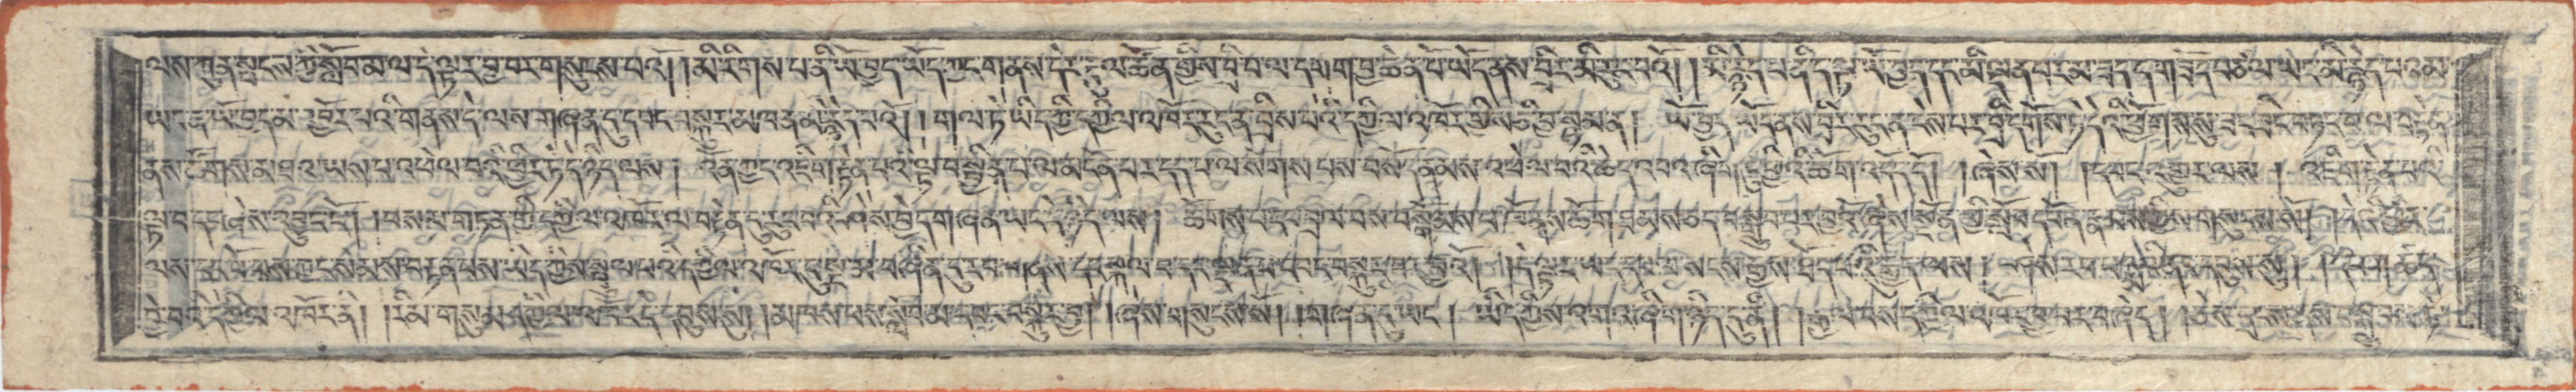ལས་ཀུན་སྤངས་ཀྱི་སློབ་མ་ལ་དེ་ལྟར་བྱ་བར་གསུངས་པའོ། །མི་རིགས་པ་ནི་ཡོ་བྱད་ཡོད་ཀྱང་གནས་དེར་རྡུལ་ཚོན་གྱིས་བྲི་བ་ལ་དགག་བྱ་ཆེན་པོ་ཡོད་ནས་བྲིར་མི་རུང་བའོ། །མི་རྙེད་པ་ནི་ད་ལྟ་ཡོད་བྱད་དང་མི་ལྡན་པར་མ་ཟད་དེ་གཟོད་བཙལ་ཡང་མི་རྙེད་པའམ་
ཡང་ན་ཡོ་བྱད་མ་འབྱོར་པའི་གནས་དེ་ལས་གཞན་དུ་དབང་བསྐུར་མཁན་མི་རྙེད་པའོ། །གལ་ཏེ་ཡིད་ཀྱི་དཀྱིལ་འཁོར་རུང་ན་བྲིས་པའི་དཀྱིལ་འཁོར་གྱིས་ཅི་བྱ་སྙམ་ན། ཡོ་བྱད་ཡོད་ནས་བྲིར་རུང་ན་ངེས་པར་བྲི་དགོས་ཏེ་དེའི་ཕྱོགས་སུ་ཟང་ཟིང་བཏང་བ་ལ་བརྟེན་
ནས་ཚོགས་མཐའ་ཡས་པ་འཕེལ་བའི་ཕྱིར་ཏེ་དེ་ཉིད་ལས། འོན་ཀྱང་འཇིག་རྟེན་པའི་ལྟ་བ་སྦྱིན་པ་ལ་མངོན་པར་དད་པ་ལ་སོགས་པས་བསོད་ནམས་འཕེལ་བའི་ཆེད་འབའ་ཞིག་ཏུ་ཕྱིའི་ཆོ་ག་འདོད་དོ། །ཞེས་སོ། །དབང་འགྱུར་ལས། འཇིག་རྟེན་པའི་
ལྟ་བ་དང་ཞེས་འབྱུང་ངོ། །བསམ་གཏན་གྱི་དཀྱིལ་འཁོར་ལ་བརྟེན་དུ་རུང་བའི་ཤེས་བྱེད་གཞན་ཡང་དེ་ཉིད་ལས། ཚོགས་པ་དང་བྲལ་བས་བསྒོམས་པ་ཁོ་ནས་ཆོ་ག་ཐམས་ཅད་བསྒྲུབ་པར་བྱའོ་ཞེས་སྔོན་གྱི་སློབ་དཔོན་རྣམས་ཀྱིས་གསུངས་སོ། །དེའི་ཕྱིར་
ལས་དང་པོ་པས་ཀྱང་སེམས་བརྟན་པས་ཡིད་ཀྱིས་སྤྲུལ་པའི་དཀྱིལ་འཁོར་དུ་སྔ་མ་བཞིན་དུ་རབ་གནས་དང་སྐལ་བ་དང་ལྡན་པ་དབང་བསྐུར་བར་བྱའོ། །དེ་ལྟར་ཡང་དཔལ་སངས་རྒྱས་ཐོད་པའི་རྒྱུད་ལས། ཤེས་རབ་པདམའི་ནང་དབུས་སུ། །དཔག་ཚད་
བྱེ་བའི་དཀྱིལ་འཁོར་ནི། །རིམ་གསུམ་དཀྱིལ་འཁོར་དེ་དབུས་སུ། །མཁས་པས་སློབ་མ་དབང་བསྐུར་བྱ། །ཞེས་གསུངས་སོ། །གཞན་དུ་ཡང་། ཡིད་ཀྱིས་འགའ་ཞིག་ཉིད་དུ་ནི། །རྒྱལ་བས་དཀྱིལ་འཁོར་བྱ་བར་བཞེད། །ཅེས་དྲངས་ནས་བསྒྲུབས་ཏེ་